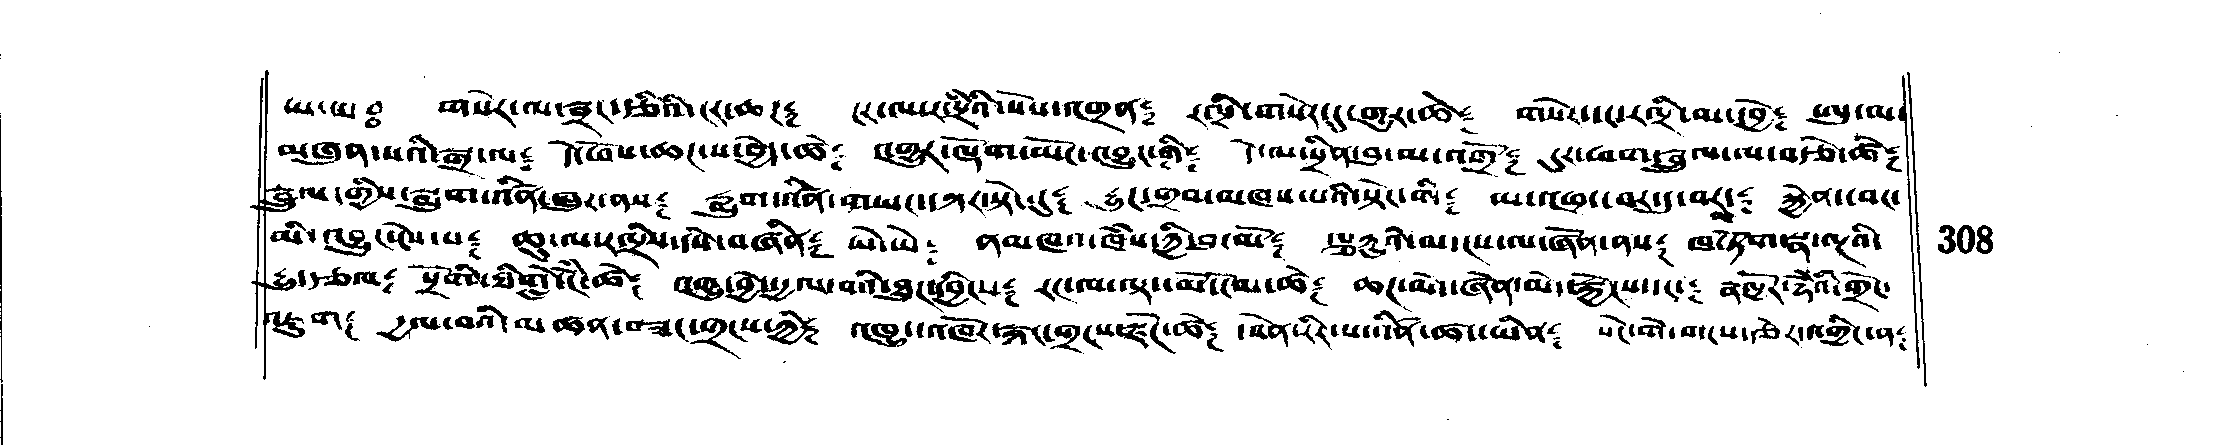ཡ་ཡཿ གསེར་ལ་སྦྲང་རྩིའི་ངར་ཆགས། །ངར་ལ་རལ་གྲིའི་སོས་འགྲན། །རལ་གྲི་གསེར་དུ་གྱུར་ཚེ། །གསེར་དང་རལ་གྲི་མ་དབྱེ། །ཨུ་མ་
མཁུན་པའི་སྒྲ་ལ། །དེ་ཕོས་ཆགས་པ་བྱེད་ཚེ། །འགྱུར་ལྡོག་མང་པོ་འབྱུང་གི། །དེ་ལ་སྲིན་བུ་མ་འགྲོ། །དུར་ཕག་སྦྲུལ་ལ་བརྩེ་ཚེ། །
སྦྲུལ་གྱིས་སྨུག་འཛིན་ཁུར་ནས། །སྨུག་འཛིན་གཡང་དཀར་སྟེང་དུ། །རྒྱུགས་གྲབས་མཁས་པའི་སྟེང་གི།མ་འཕྲད་བར་དུ་བར་ཆད། །རྐྱེན་དབང་
མི་འབྱུང་ངེས་པ། །ཆུ་ལ་རལ་གྲིས་དཔེ་བཞིན། ཡེ་ཡེཿ ནམ་མཁའ་ཁམས་ཀྱི་བུ་མོ། །ལྕགས་ཀྱུའི་མདངས་ལ་ཞོན་ནས། ཁ་དོག་སྣ་ལྔའི་
སྒྱུ་རྩལ། །སྲོག་གིས་ཐིག་ལེ་ངོམ་ཚེ། །འགྱུ་བྱེད་རྒྱལ་བའི་ཐུགས་དབྱིངས། །རང་ལ་ལྟད་མོ་ངོམ་ཚེ། །ཆགས་མེད་ཞེན་མེད་སྐྱོངས་དང་། །རྣལ་འབྱོར་རྡོ་རྗེའི་གྲོང་
འཇུག །རྒྱལ་བའི་མཚན་བཟང་གྲངས་ཀྱི། །འཁྱུད་འཁོར་རྐང་གྲངས་རྫོགས་ཚེ། །དབེན་རིར་ས་འཛིན་ཚད་ཡིན། །སེང་གེ་གངས་རྩེར་འགྱིང་ན།